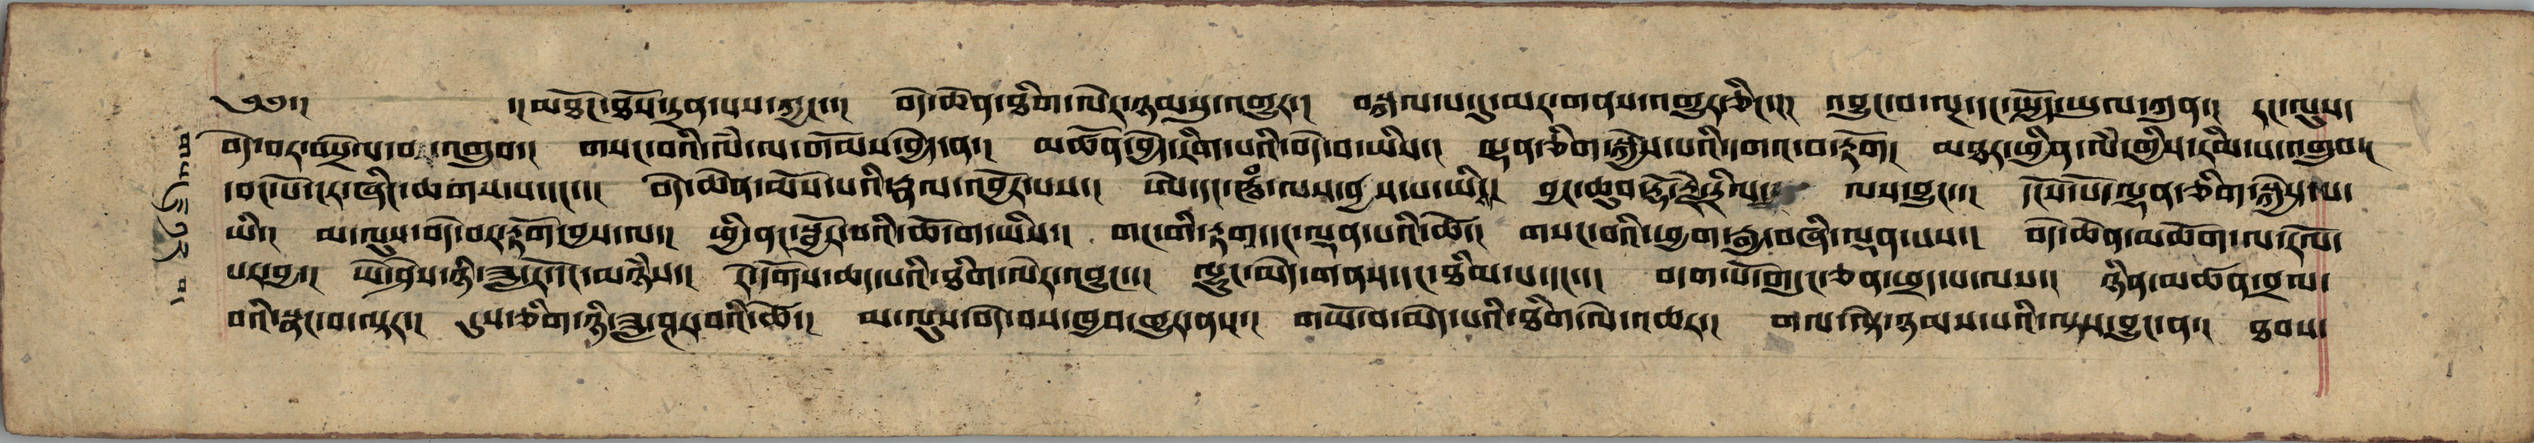༄༅་། ་།མཐོང་ཐོས་དྲན་པས་ཀྱང་་། བདེ་ཆེན་ཐིག་ལེར་ཉམསུ་འགྱུར་། བསྐལ་པ་དུ་མར་གནས་འགྱུར་ཅིང་།།། འབྱུང་བ་ལྔ་དང་སྤྱོད་ཡུལ་ཀུན་། རང་ལུས་
བདེ་བར་བསྲེལ་བར་འགྲུབ་། གསང་བའི་ལཾ་ལ་གོམས་བྱེད་ན་། མཚོན་བྱེད་རིག་པའི་བདེ་བ་ཡིས་། ལྷན་ཅིག་སྐྱེས་པའི་དགའ་བ་རྟོག། མཐར་ཕྱིན་ལཾ་གྱིས་རིམ་པ་འགྲུབ་།
དབང་པོ་དར་ཞིང་ཆགས་པ་དང་་། བདེ་ཆེན་མོས་པའི་རྣལ་འབྱོར་པས་། ཨེ་དང་ཝཾ་ལས་ནྱས་པ་ཡིས་། བྱང་ཆུབ་རྡོ་རྗེ་དྲིལ་ལས་བྱུང་་། དངོས་པོ་ལྷན་ཅིག་སྐྱེས་པ་
ཡི་། མ་ལུས་བདེ་བར་རྟོག་བྱས་ལ་། ཕྱི་ནང་སྦྱོར་བའི་ཆོ་ག་ཡིས་། གང་གི་རྟག་དང་ལྡན་པའི་ཚེ་། གསང་བའི་ཕྱག་རྒྱ་བཞི་ལྡན་པས་། བདེ་ཆེན་མཆོག་ལ་རོལ་
པར་བྱ་། ཡེ་ཤེས་ཉི་ཟླ་རོ་དང་མཉཾས་། རེ་དོགས་ཆད་པའི་ཐིག་ལེར་འབྱུང་་། ལྷུང་མེད་གནས་དང་ཐིམ་པ་དང་་། བདག་པོ་གདུང་ཅན་ཕྲད་པ་ལས་། ཉིན་མཚན་བྲལ་
བའི་སྣང་བ་ལྟར་། དུས་ཅིག་ཉི་ཟླ་ཤར་བའི་ཚེ་། མ་ལུས་བདེ་བས་ཁྱབ་གྱུར་ནས་། གཡོ་བ་མེད་པའི་ཐིག་ལེ་འཆར་། གལ་ལྟེ་ཉམས་པའི་ལྟས་བྱུང་ན་། ཐབས་